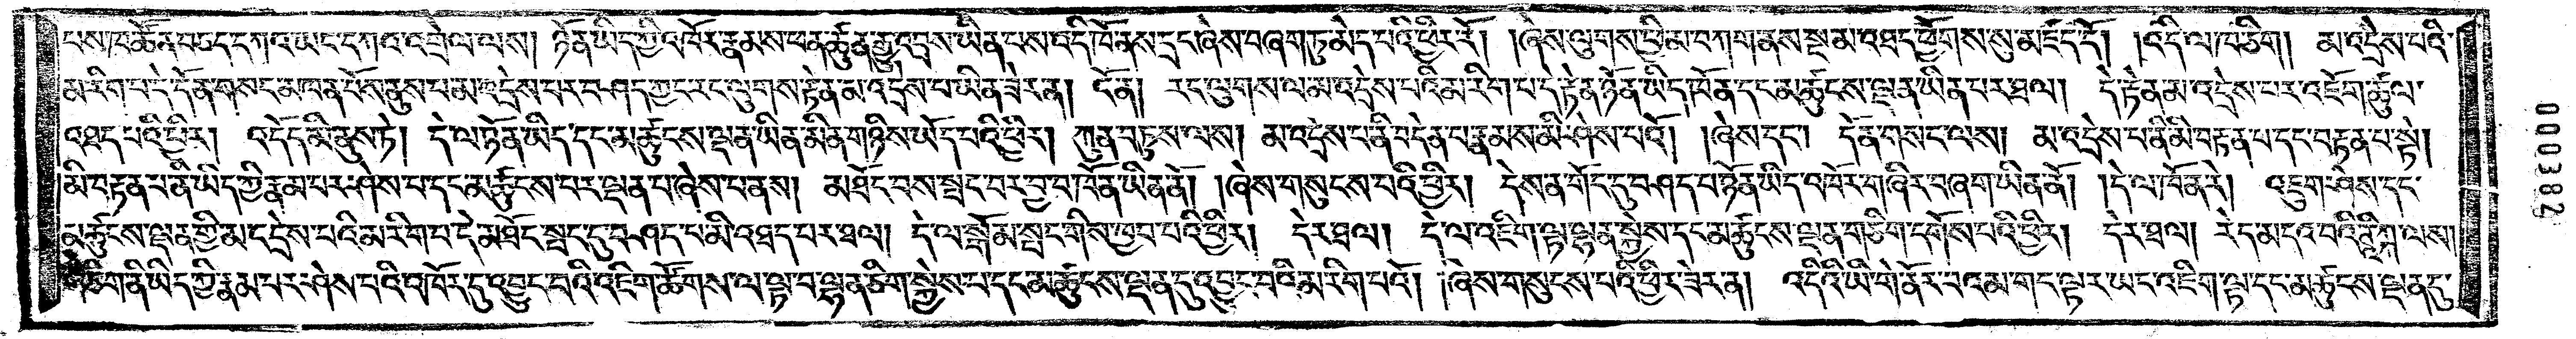པས་ཁ་ཚོན་བཅད་དཀའ་ཡང་དཀའ་འགྲེལ་ལས། ཉོན་ཡིད་ཀྱི་འཁོར་རྣམས་ཕན་ཚུན་རྒྱུ་འབྲས་ཡིན་པས་འདི་ཁོ་ནས་དྲང་ཞེས་བཞག་ཏུ་མེད་པའི་ཕྱིར་རོ། །ཞེས་ལུགས་ཕྱི་མ་བཀག་ནས་སྔ་མ་འཐད་ཕྱོགས་སུ་མཛད་དོ། །འདི་ལ་ཁ་ཅིག། མ་འདྲེས་པའི་
མ་རིག་པ་དེ་དོན་གསང་མཁན་པོས་ནུས་པ་མ་འདྲེས་པར་བཤད་ཀྱང་རང་ལུགས་རྟེན་མ་འདྲེས་པ་ཡིན་ཟེར་ན། འོ་ན། རང་ལུགས་ལ་མ་འདྲེས་པའི་མ་རིག་པ་དེ་རྟེན་ཉོན་ཡིད་ཁོ་ན་དང་མཚུངས་ལྡན་ཡིན་པར་ཐལ། དེ་རྟེན་མ་འདྲེས་པར་འཇོག་ཚུལ་
འཐད་པའི་ཕྱིར། འདོད་མི་ནུས་ཏེ། དེ་ལ་ཉོན་ཡིད་དང་མཚུངས་ལྡན་ཡིན་མིན་གཉིས་ཡོད་པའི་ཕྱིར། ཀུན་བཏུས་ལས། མ་འདྲེས་པ་ནི་བདེན་པ་རྣམས་མི་ཤེས་པའོ། །ཞེས་དང་། དོན་གསང་ལས། མ་འདྲེས་པ་ནི་མི་བརྟན་པ་དང་བརྟན་པ་སྟེ།
མི་བརྟན་པ་ནི་ཡིད་ཀྱི་རྣམ་པར་ཤེས་པ་དང་མཚུངས་པར་ལྡན་པ་ཛྷེས་པ་ནས། མཐོང་བས་སྤང་བར་བྱ་བ་ཁོ་ན་ཡིན་ནོ། །ཞེས་གསུངས་བའི་ཕྱིར། དེས་ན་གོང་དུ་བཤད་བ་ཉོན་ཡིད་འཁོར་གཞིར་བཞག་ཡིན་ནོ། །དེ་ལ་ཁོ་ན་རེ། འཇུག་ཤེས་དང་
མཚུངས་ལྡན་གྱི་མང་འདྲེས་པའི་མ་རིག་པ་དེ་མཐོང་སྤང་དུ་བཤད་པ་མི་འཐད་པར་ཐལ། དེ་ལ་སྒོམ་སྤང་གིས་ཁྱབ་པའི་ཕྱིར། དེར་ཐལ། དེ་ལ་འཇིག་ལྷ་ལྷན་སྐྱེས་དང་མཚུངས་ལྡན་གཅིག་དགོས་པའི་ཕྱིར། དེར་ཐལ། རེད་མདའ་བའི་ཊཱིཀྐ་ལས་
གཅིག་ནི་ཡིད་ཀྱི་རྣམ་པར་ཤེས་པའི་འཁོར་དུ་འབྱུང་བའི་འཇིག་ཚོགས་ལ་ལྟ་བ་ལྷན་ཅིག་སྐྱེས་པ་དང་མཚུངས་ལྡན་དུ་འབྱུང་བའི་མ་རིག་པའོ། །ཞེས་གསུངས་པའི་ཕྱིར་ཟེར་ན། འདིའི་ཡི་གེ་ནོར་བའམ་གང་ལྟར་ཡང་འཇིག་ལྟ་དང་མཚུངས་ལྡན་དུ་